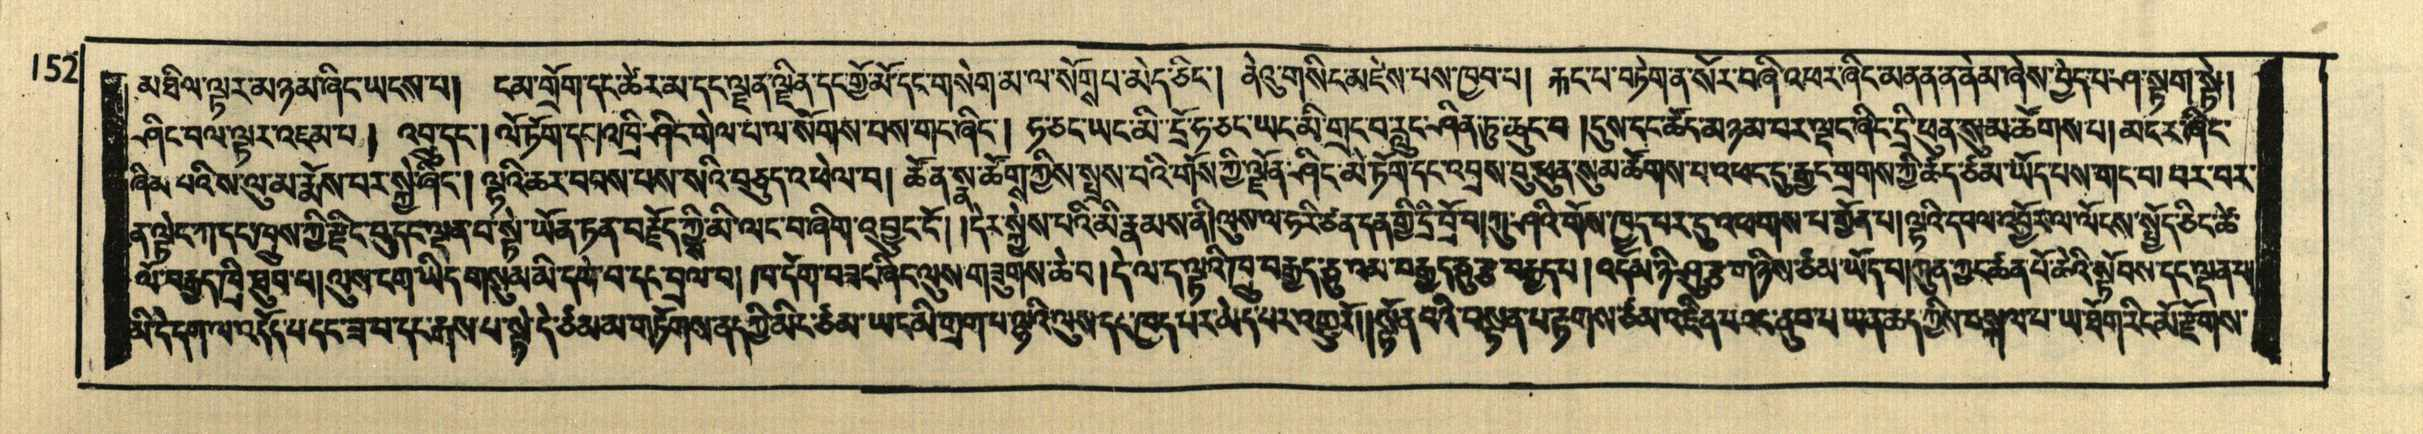མཐིལ་ལྟར་མཉམ་ཞིང་ཡངས་པ། ངམ་གྲོག་དང་ཚེར་མ་དང་ལྗན་ལྗིན་དང་གྱོ་མོ་དང་གསེག་མ་ལ་སོགས་པ་མེད་ཅིང་། ནེའུ་གསིང་མཛེས་པས་ཁྱབ་པ། རྐང་པ་བཏེག་ན་སོར་བཞི་འཕར་ཞིང་མནན་ན་ནེམ་ཞེས་བྱེད་པ་ཤ་སྟག་སྟེ།
ཤིང་བལ་ལྟར་འཇམ་པ། འབྲུ་དང་། ལོ་ཏོག་དང་། འཁྲི་ཤིང་གེལ་པ་ལ་སོགས་པས་གང་ཞིང་། ཧ་ཅང་ཡང་མི་དྲོ་ཧ་ཅང་ཡང་མི་གྲང་བ་རླུང་ཤིན་ཏུ་ཆུང་བ་།དུས་དང་ཚོད་མཉམ་པར་ལྡང་ཞིང་དྲི་ཕུན་སུམ་ཚོགས་པ། མངར་ཞིང་
ཞིམ་པའི་ས་ལུ་མ་རྨོས་པར་སྐྱེ་ཞིང་། ལྷའི་ཆར་བབས་པས་སའི་བཅུད་འཕེལ་བ། ཚོན་སྣ་ཚོགས་ཀྱིས་སྤྲས་བའི་གོས་ཀྱི་ལྗོན་ཤིང་མེ་ཏོག་དང་འབྲས་བུ་ཕུན་སུམ་ཚོགས་པ་འཕང་དུ་རྒྱང་གྲགས་ཀྱི་ཚད་ཙམ་ཡོད་པས་གང་བ། བར་བར་
ན་ལྟེང་ཀ་དང་ཁྲུས་ཀྱི་རྫིང་བུ་དང་ལྡན་པ་སྟེ་ཡོན་ཏན་བརྗོད་ཀྱིས་མི་ལང་བ་ཞིག་འབྱུང་ངོ། །དེར་སྐྱེས་པའི་མི་རྣམས་ནི། ལུས་ལ་ཧ་རི་ཙན་དན་གྱི་དྲི་བྲོ་བ། ཀུ་ཤའི་གོས་ཁྱད་པར་དུ་འཕགས་པ་གྱོན་པ། ལྷའི་དཔལ་འབྱོར་ལ་ལོངས་སྤྱོད་ཅིང་ཚེ་
ལོ་བརྒྱད་ཁྲི་ཐུབ་པ། ལུས་ངག་ཡིད་གསུམ་མི་དགེ་བ་དང་བྲལ་བ། ཁ་དོག་བཟང་ཞིང་ལུས་གཟུགས་ཆེ་བ། དེ་ལ་ད་ལྟའི་ཁྲུ་བརྒྱད་ཅུ་འམ་བརྒྱད་ཅུ་རྩ་བརྒྱད་པ། འདོམ་ཉི་ཤུ་རྩ་གཉིས་ཙམ་ཡོད་པ། ཀུན་ཀྱང་ཚན་པོ་ཆེའི་སྟོབས་དང་ལྡན་པ།
མི་དེ་དག་ལ་འདོད་པ་དང་ཟ་བ་དང་རྒས་པ་སྟེ་དེ་ཙམ་མ་གཏོགས་ནད་ཀྱི་མིང་ཙམ་ཡང་མི་གྲག་པ་ལྷའི་ལུས་དང་ཁྱད་པར་མེད་པར་འགྱུར་རོ། །སྟོན་བའི་བསྟན་པ་རྟགས་ཙམ་འཛིན་པའང་ནུབ་པ་ཡན་ཆད་ཀྱིས་བསྐལ་པ་ཡ་ཐོག་རིང་མོ་རྫོགས་